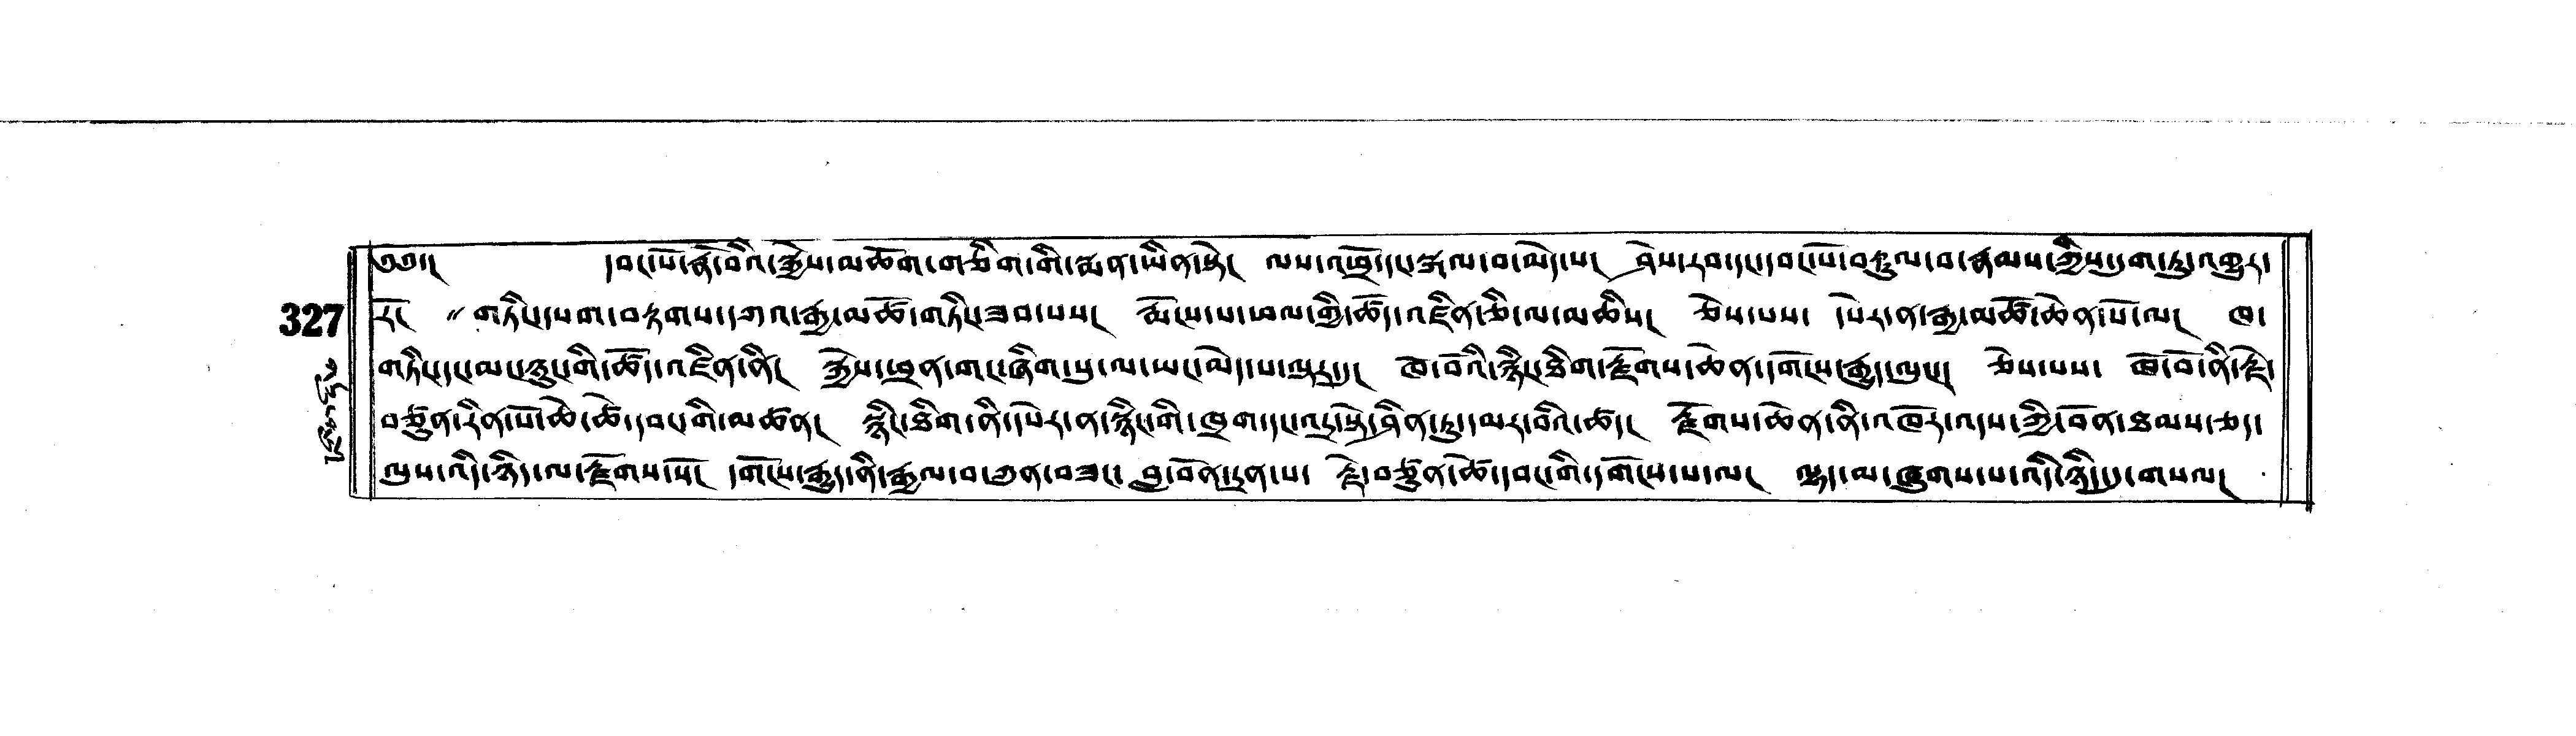དབང་པོ་རྣོ་བའི་སྐྱེས་མཆོག་ཅིག་གི་སྨན་ཡིན་ཏེ། ལས་འཕྲོ་དང་སྐལ་པ་མེད་པ། ཤེས་རབ་དང་དབང་པོ་རྟུལ་བ་རྣམས་ཀྱིས་དུག་ཏུ་འགྱུར་
རོ། ༧ གཏིང་དཔག་བརྟག་དཀའ་རྒྱ་མཚོ་གཏིང་ཟབ་པས། རྨོངས་པ་ཕལ་གྱིས་ཚོད་འཛིན་ཅི་ལ་མཆིས། ཅེས་པས། དཔེར་ན་རྒྱ་མཚོ་ཆེན་པོ་ལ། ཁ་འ
གཏིང་དང་མང་ཉུང་གི་ཚོད་འཛིན་ནི། སྐྱེས་ཕྲན་གང་ཞིག་སུ་ལའང་མེད་པ་ལྟར་དུ། ཁོ་བོའི་སྙིང་ཐིག་རྫོགས་ཆེན་དགོངས་རྒྱུད་ལུང་། ཅེས་པས་ ཁོ་བོ་ནི་རྗེ་
བཙུན་རིན་པོ་ཆེ་ཚེ་དབང་གི་མཚན། སྙིང་ཐིག་ནི་དཔེར་ན་སྙིང་གི་ཁྲག་དང་འདྲ་སྟེ་ཤིན་ཏུ་དམར་བའི་ཚད། རྫོགས་ཆེན་ནི་འཁོར་འདས་ཀྱི་བོན་ཐམས་ཅད་
ལུས་འདི་ཉིད་ལ་རྫོགས་སོ། དགོངས་རྒྱུད་ནི། རྒྱལ་བ་ཀུན་བཟང་། བླ་བོན་དྲན་པ། རྗེ་བཙུན་ཚེ་དབང་གི་དགོངས་པ་ལ། ལྷད་མ་ཞུགས་པ་འདི་ཉིད་དུ་གསལ།